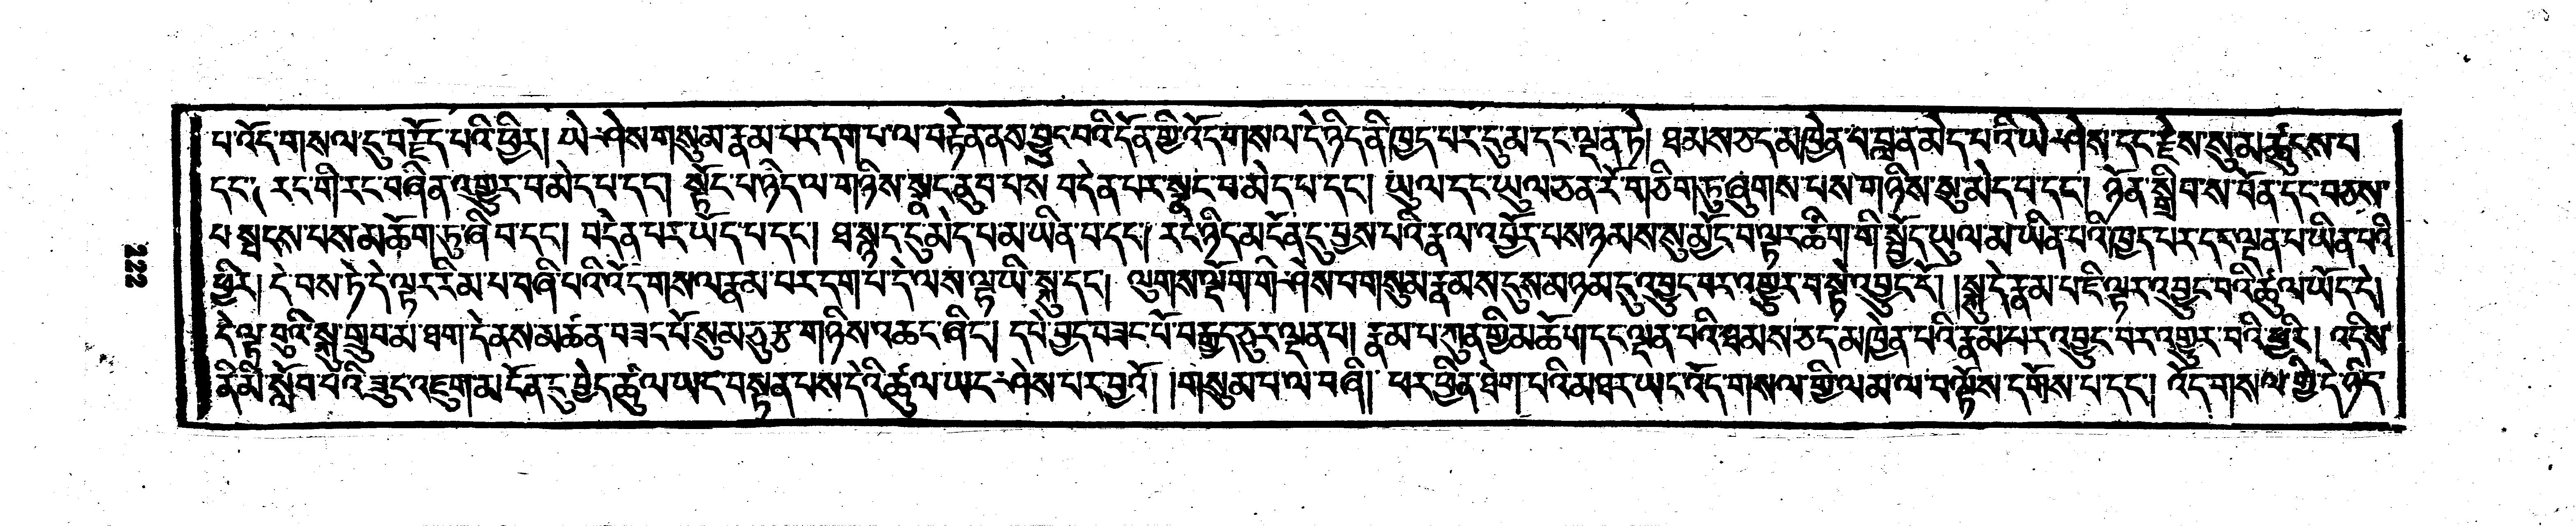པ་འོད་གསལ་དུ་བརྗོད་པའི་ཕྱིར། ཡེ་ཤེས་གསུམ་རྣམ་པར་དག་པ་ལ་བརྟེན་ནས་བྱུང་བའི་དོན་གྱི་འོད་གསལ་དེ་ཉིད་ནི་ཁྱད་པར་དུ་མ་དང་ལྡན་ཏེ། ཐམས་ཅད་མཁྱེན་པ་བླ་ན་མེད་པའི་ཡེ་ཤེས་དང་རྗེས་སུ་མཚུངས་པ་
དང་། རང་གི་རང་བཞིན་འགྱུར་བ་མེད་པ་དང་། སྟོང་པ་ཉིད་ལ་གཉིས་སྣང་ནུབ་པས་བདེན་པར་སྣང་བ་མེད་པ་དང་། ཡུལ་དང་ཡུལ་ཅན་རོ་གཅིག་ཏུ་ཞུགས་པས་གཉིས་སུ་མེད་པ་དང་། ཉོན་སྒྲིབ་ས་བོན་དང་བཅས་
པ་སྤངས་པས་མཆོག་ཏུ་ཞི་བ་དང་། བདེན་པར་ཡོད་པ་དང་། ཐ་སྙད་དུ་མེད་པ་མ་ཡིན་པ་དང་། རང་ཉིད་མངོན་དུ་བྱས་པའི་རྣལ་འབྱོར་པས་ཉམས་སུ་མྱོང་བ་ལྟར་ཚིག་གི་སྤྱོད་ཡུལ་མ་ཡིན་པའི་ཁྱད་པར་དང་ལྡན་པ་ཡིན་པའི་
ཕྱིར། དེ་བས་ཏེ་དེ་ལྟར་རིམ་པ་བཞི་པའི་འོད་གསལ་རྣམ་པར་དག་པ་དེ་ལས་ལྷ་ཡི་སྐུ་དང་། ལུགས་ལྡོག་གི་ཤེས་པ་གསུམ་རྣམས་དུས་མཉམ་དུ་འབྱུང་བར་འགྱུར་བ་སྟེ་འབྱུང་ངོ། །སྐུ་དེ་རྣམ་པ་ཇི་ལྟར་འབྱུང་བའི་ཚུལ་ཡོད་དེ།
དེ་ལྟ་བུའི་སྐུ་གྲུབ་མ་ཐག་དེ་ནས་མཚན་བཟང་པོ་སུམ་ཅུ་རྩ་གཉིས་འཆང་ཞིང་། དཔེ་བྱད་བཟང་པོ་བརྒྱད་ཅུར་ལྡན་པ། རྣམ་པ་ཀུན་གྱི་མཆོག་དང་ལྡན་པའི་ཐམས་ཅད་མཁྱེན་པའི་རྣམ་པར་འབྱུང་བར་འགྱུར་བའི་ཕྱིར། འདིས་
ནི་མི་སློབ་པའི་ཟུང་འཇུག་མངོན་དུ་བྱེད་ཚུལ་ཡང་བསྟན་པས་དེའི་ཚུལ་ཡང་ཤེས་པར་བྱའོ། །གསུམ་པ་ལ་བཞི། ཕར་ཕྱིན་ཐེག་པའི་མཐར་ཡང་འོད་གསལ་གྱི་ལམ་ལ་བལྟོས་དགོས་པ་དང་། འོད་གསལ་གྱི་དེ་ཉིད་